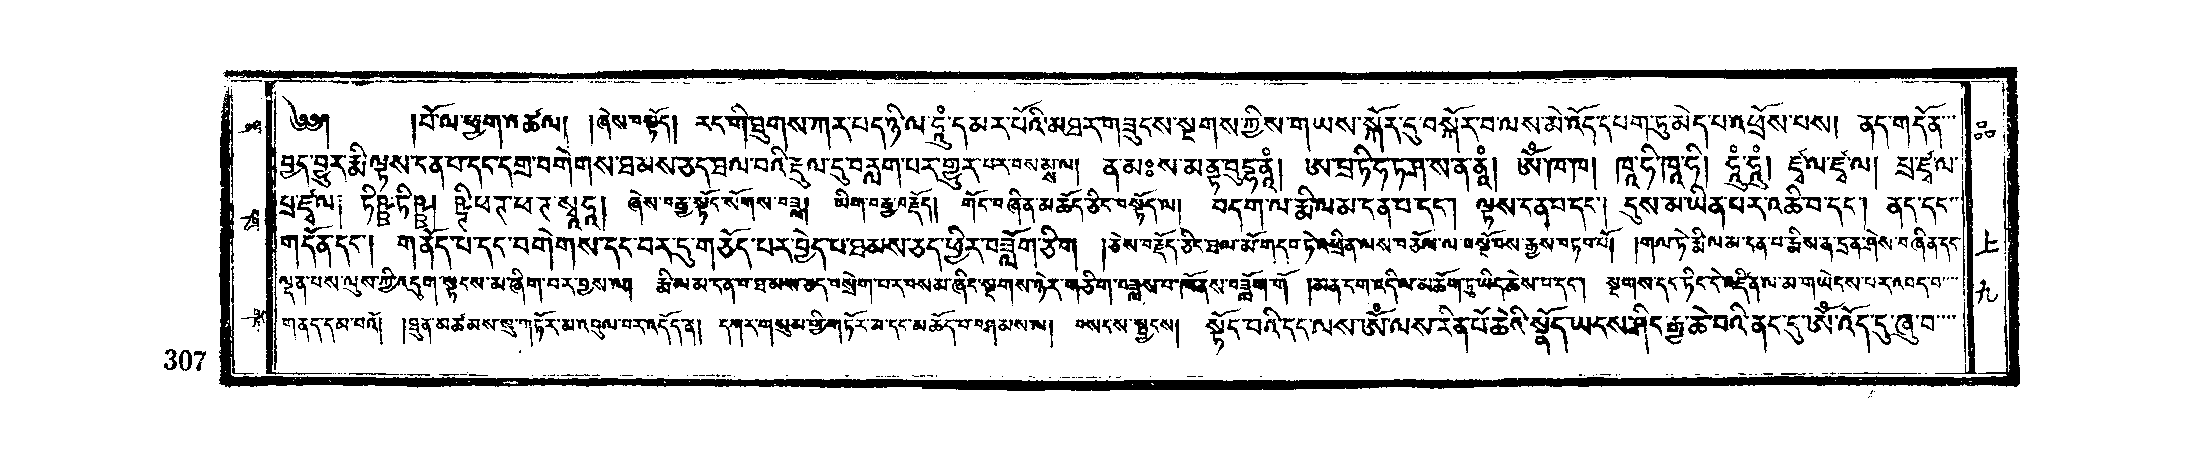༄༅། །པོ་ལ་ཕྱག་འཚལ། །ཞེས་བསྟོད། རང་གི་ཐུགས་ཀར་པད་ཉི་ལ་ཧཱུཾ་དམར་པོའི་མཐར་གཟུངས་སྔགས་ཀྱིས་གཡས་སྐོར་དུ་བསྐོར་བ་ལས་མེ་འོད་དཔག་ཏུ་མེད་པ་འཕྲོས་པས། ནད་གདོན་
བྱད་བྱུར་རྨི་ལྟས་ངན་པ་དང་དགྲ་བགེགས་ཐམས་ཅད་ཐལ་བའི་རྡུལ་དུ་བརླག་པར་གྱུར་པར་བསམས་ལ། ན་མཿ ས་མནྟ་བུདྷ་ནཱཾ། ཨ་པྲ་ཏི་ཧ་ཏ་ཤ་ས་ན་ནཱཾ། ཨོཾ་ཁ་ཁ། ཁཱ་ཧི་ཁཱ་ཧི། ཧཱུཾ་ཧཱུཾ། ཛྭ་ལ་ཛྭ་ལ། པྲ་ཛྭ་ལ་
པྲ་ཛྭ་ལ། ཏིཥཊཿཨ་ཏིཥཊཿཨ། ཥྚི་ཕཊ་ཕཊ་སྭཱཧཱ། ཞེས་བརྒྱ་སྟོང་སོགས་བཟླ། ཡིག་བརྒྱ་བརྗོད། གོང་བཞིན་མཆོད་ཅིང་བསྟོད་ལ། བདག་ལ་རྨི་ལམ་ངན་པ་དང་། ལྟས་ངན་པ་དང་། དུས་མ་ཡིན་པར་འཆི་བ་དང་། ནད་དང་
གདོན་དང་། གནོད་པ་དང་བགེགས་དང་བར་དུ་གཅོད་པར་བྱེད་པ་ཐམས་ཅད་ཕྱིར་བཟློག་ཅིག །ཅེས་བརྗོད་ཅིང་ཐལ་མོ་གདབ་ཏེ་འཕྲིན་ལས་བཅོལ་ལ་བསྔོ་བས་རྒྱས་བཏབ་པོ། །གལ་ཏེ་རྨི་ལམ་ངན་པ་རྨིས་ན་དྲན་ཤེས་བཞིན་དང་
ལྡན་པས་ལུས་ཀྱི་འདུག་སྟངས་མ་ཞིག་བར་བྱས་ལ། རྨི་ལམ་ངན་པ་ཐམས་ཅད་བསྲེག་པར་བསམ་ཞིང་སྔགས་ཉེར་གཅིག་བཟླས་པ་ཁོ་ནས་བཟློག་གོ །མན་ངག་འདི་ལ་མཆོག་ཏུ་ཡིད་ཆེས་པ་དང་། སྔགས་དང་ཏིང་ངེ་འཛིན་ལ་མ་གཡེངས་པར་འབད་པ་
གནད་དམ་པའོ། །ཐུན་མཚམས་སུ་གཏོར་མ་འབུལ་བར་འདོད་ན། དཀར་གསུམ་གྱི་གཏོར་མ་དང་མཆོད་པ་བཤམས་ལ། བསངས་སྦྱངས། སྟོང་པའི་ངང་ལས་ཨོཾ་ལས་རིན་པོ་ཆེའི་སྣོད་ཡངས་ཤིང་རྒྱ་ཆེ་བའི་ནང་དུ་ཨོཾ་འོད་དུ་ཞུ་བ་